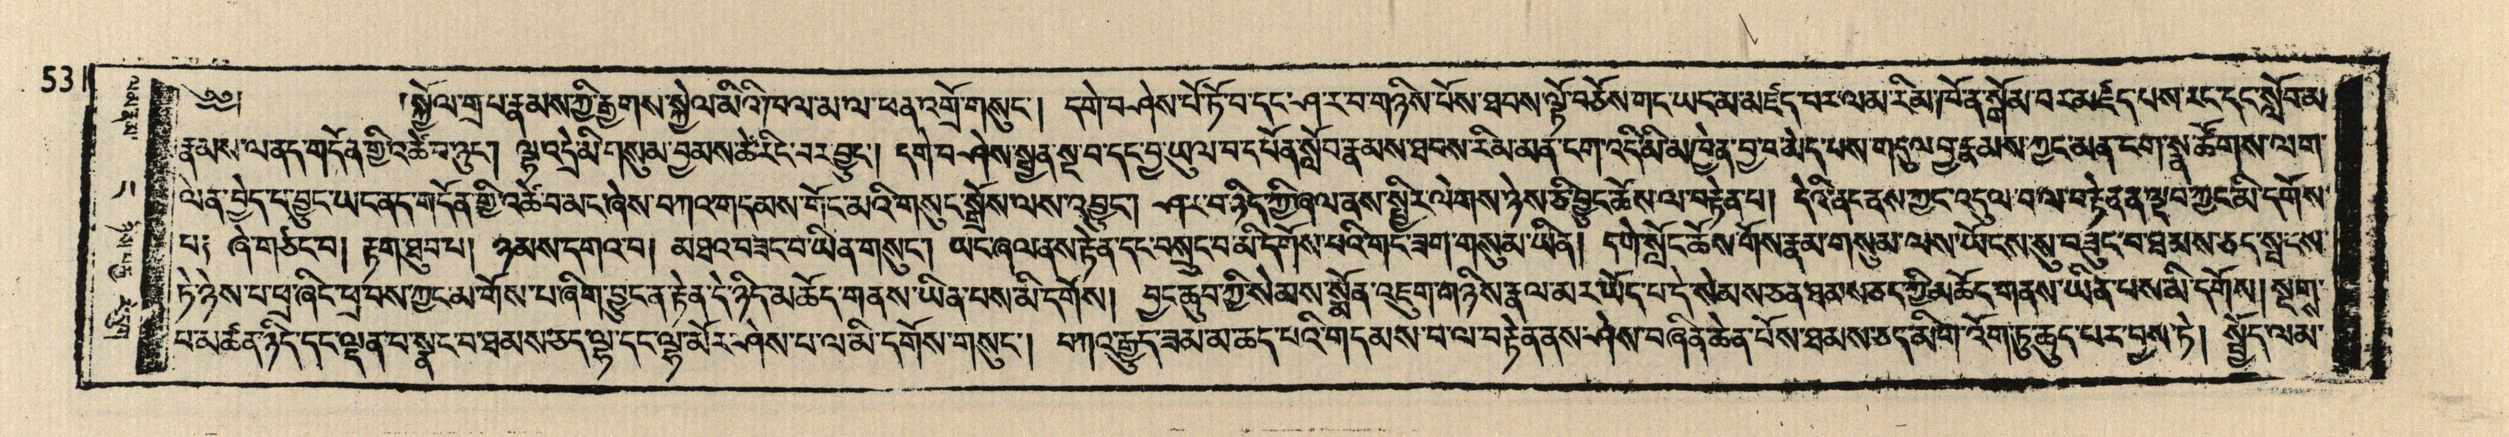༄༅། །སྐྱོལ་གྲ་པ་རྣམས་ཀྱི་རྒྱགས་སྐྱེལ་མིའི་ཁལ་མ་ལ་ཕན་འགྲོ་གསུང་། དགེ་བཤེས་པོ་ཏོ་བ་དང་ཤ་ར་བ་གཉིས་པོས་ཐབས་ལྟོས་བཅོས་གང་ཡང་མ་མཛད་པར་ལམ་རིམ་ཁོ་ན་སྒོམ་བར་མཛད་པས་རང་དང་སློབ་མ་
རྣམས་ལ་ནད་གདོན་གྱི་འཚེ་བ་ཉུང་། ལྷ་འདྲེ་མི་གསུམ་བྱམས་ཚེ་རིང་བར་བྱུང་། དགེ་བཤེས་སྤྱན་སྔ་བ་དང་བྱ་ཡུལ་བ་དཔོན་སློབ་རྣམས་ཐབས་རིམ་མན་ངག་འདི་མི་མཁྱེན་བྱ་བ་མེད་པས་གདུལ་བྱ་རྣམས་ཀྱང་མན་ངག་སྣ་ཚོགས་ལག་
ལེན་བྱེད་པ་བྱུང་ཡང་ནད་གདོན་གྱི་འཚེ་བ་མང་ཞེས་བཀའ་གདམས་གོང་མའི་གསུང་སྒྲོས་ལས་འབྱུང་། ཤར་བ་ཉིད་ཀྱི་ཞལ་ནས་སྤྱིར་ལེགས་ཉེས་ཅི་བྱུང་ཚེས་ལ་བརྟེན་པ། དེའི་ནང་ནས་ཀྱང་འདུལ་བ་ལ་བརྟེན་ན་ལྡབ་ཀྱང་མི་དགོས་
པ༑ ཞེ་གཙང་བ། རྟག་ཐུབ་པ། ཉམས་དགའ་བ། མཐའ་བཟང་བ་ཡིན་གསུང་། ཡང་ཞལ་ནས་རྟེན་དང་བསྲུང་བ་མི་དགོས་པའི་གང་ཟག་གསུམ་ཡིན། དགེ་སློང་ཆོས་གོས་རྣམ་གསུམ་ལས་ཡོངས་སུ་བཟུང་བ་ཐམས་ཅད་སྤངས་
ཏེ་ཉེས་པ་ཕྲ་ཞིང་ཕྲ་བས་ཀྱང་མ་གོས་པ་ཞིག་བྱུང་ན་རྟེན་དེ་ཉིད་མཆོད་གནས་ཡིན་པས་མི་དགོས། བྱང་ཆུབ་ཀྱི་སེམས་སྨོན་འཇུག་གཉིས་རྣལ་མར་ཡོད་པ་དེ་སེམས་ཅན་ཐམས་ཅད་ཀྱི་མཆོད་གནས་ཡིན་པས་མི་དགོས། སྔགས་
པ་མཚན་ཉིད་དང་ལྡན་པ་སྣང་བ་ཐམས་ཅད་ལྷ་དང་ལྷ་མོར་ཤེས་པ་ལ་མི་དགོས་གསུང་། བཀའ་རྒྱུད་ཟམ་མ་ཆད་པའི་གདམས་པ་ལ་བརྟེན་ནས་ཤེས་བཞིན་ཆེན་པོས་ཐམས་ཅད་མིག་འོག་ཏུ་ཆུད་པར་བྱས་ཏེ། སྤྱོད་ལམ་